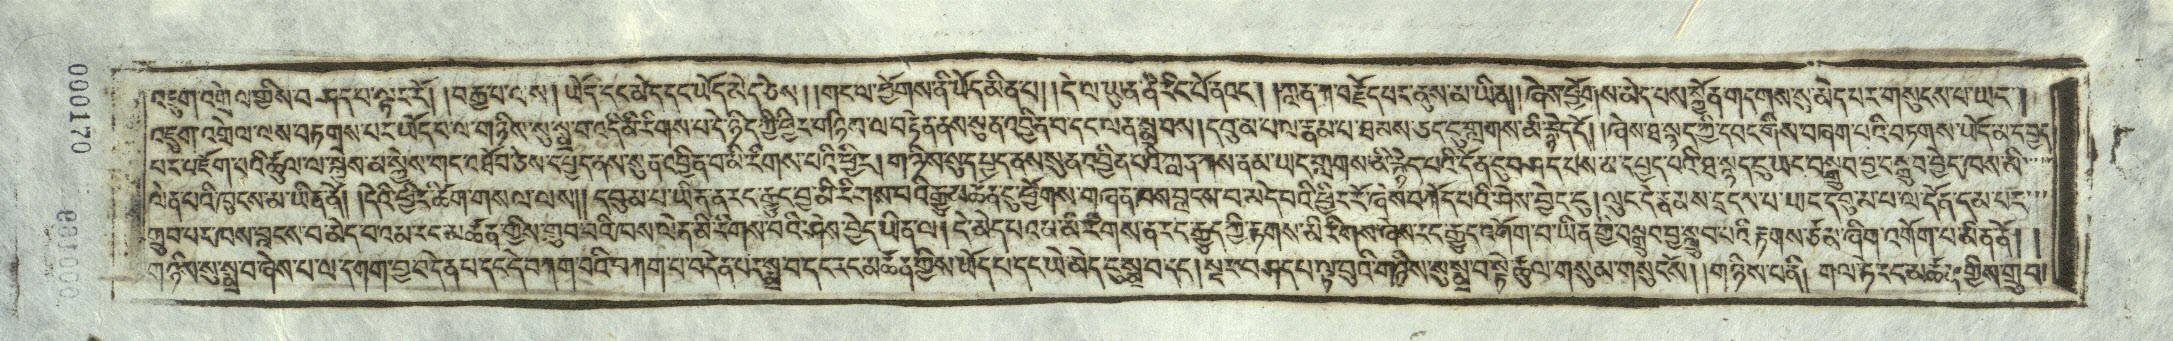འཇུག་འགྲེལ་གྱིས་བཤད་པ་ལྟར་རོ། །བརྒྱ་པ་ལས། ཡོད་དང་མེད་དང་ཡོད་མེད་ཅེས། །གང་ལ་ཕྱོགས་ནི་ཡོད་མིན་པ། །དེ་ལ་ཡུན་ནི་རིང་པོ་ནའང་། །ཀླན་ཀ་བརྗོད་པར་ནུས་མ་ཡིན། །ཞེས་ཕྱོགས་མེད་པས་སྐྱོན་གདགས་སུ་མེད་པར་གསུངས་པ་ཡང་།
འཇུག་འགྲེལ་ལས་བཏགས་པར་ཡོད་པ་ལ་གཉིས་སུ་སྨྲ་བ་འདི་མི་རིགས་པ་དེ་ཉིད་ཀྱི་ཕྱིར་གཉིས་ལ་བརྟེན་ནས་སུན་འབྱིན་པ་དང་ལན་སྨྲ་བས། དབུ་མ་པ་ལ་རྣམ་པ་ཐམས་ཅད་དུ་གླགས་མི་རྙེད་དོ། །ཞེས་ཐ་སྙད་ཀྱི་དབང་གིས་བཞག་པའི་བཏགས་ཡོད་མ་དཔྱད་
པར་འཇོག་པའི་ཚུལ་ལ་སྐྱེས་མ་སྐྱེས་གང་འཐོབ་ཅེས་དཔྱད་ནས་སུན་འབྱིན་པ་མི་རིགས་པའི་ཕྱིར། གཉིས་སུ་དཔྱད་ནས་སུན་འབྱིན་པའི་ཀླན་ཀས་ནམ་ཡང་གླགས་མི་རྙེད་པའི་དོན་དུ་བཤད་པས་མ་དཔྱད་པའི་ཐ་སྙད་དུ་ཡང་བསྒྲུབ་བྱ་བསྒྲུབ་བྱེད་ཁས་མི་
ལེན་པའི་ཁུངས་མ་ཡིན་ནོ། །དེའི་ཕྱིར་ཚིག་གསལ་ལས། དབུ་མ་པ་ཡིན་ན་རང་རྒྱུད་བྱ་མི་རིགས་པའི་རྒྱུ་མཚན་དུ་ཕྱོགས་གཞན་ཁས་བླངས་པ་མེད་པའི་ཕྱིར་རོ་ཞེས་བཀོད་པའི་ཤེས་བྱེད་དུ། ལུང་དེ་རྣམས་དྲངས་པ་ཡང་དབུ་མ་པ་ལ་དོན་དམ་པར་
གྲུབ་པར་ཁས་བླངས་པ་མེད་པའམ་རང་མཚན་གྱིས་གྲུབ་པའི་ཁས་ལེན་མི་རིགས་པའི་ཤེས་བྱེད་ཡིན་ལ། དེ་མེད་པའམ་མི་རིགས་ན་རང་རྒྱུད་ཀྱི་རྟགས་མི་རིགས་ཞེས་རང་རྒྱུད་འགོག་པ་ཡིན་གྱི་བསྒྲུབ་བྱ་སྒྲུབ་པའི་རྟགས་ཙམ་ཞིག་འགོག་པ་མིན་ནོ། །
གཉིས་སུ་སྨྲ་བ་ཞེས་པ་ལ་དགག་བྱ་བདེན་པ་དང་དེ་བཀག་པའི་བཀག་པ་བདེན་པར་སྨྲ་བ་དང་རང་མཚན་གྱིས་ཡོད་པ་དང་ཡེ་མེད་དུ་སྨྲ་བ་དང་། སྔར་བཤད་པ་ལྟ་བུའི་གཉིས་སུ་སྨྲ་བ་སྟེ་ཚུལ་གསུམ་གསུངས་སོ། །གཉིས་པ་ནི། གལ་ཏེ་རང་མཚན་གྱིས་གྲུབ་